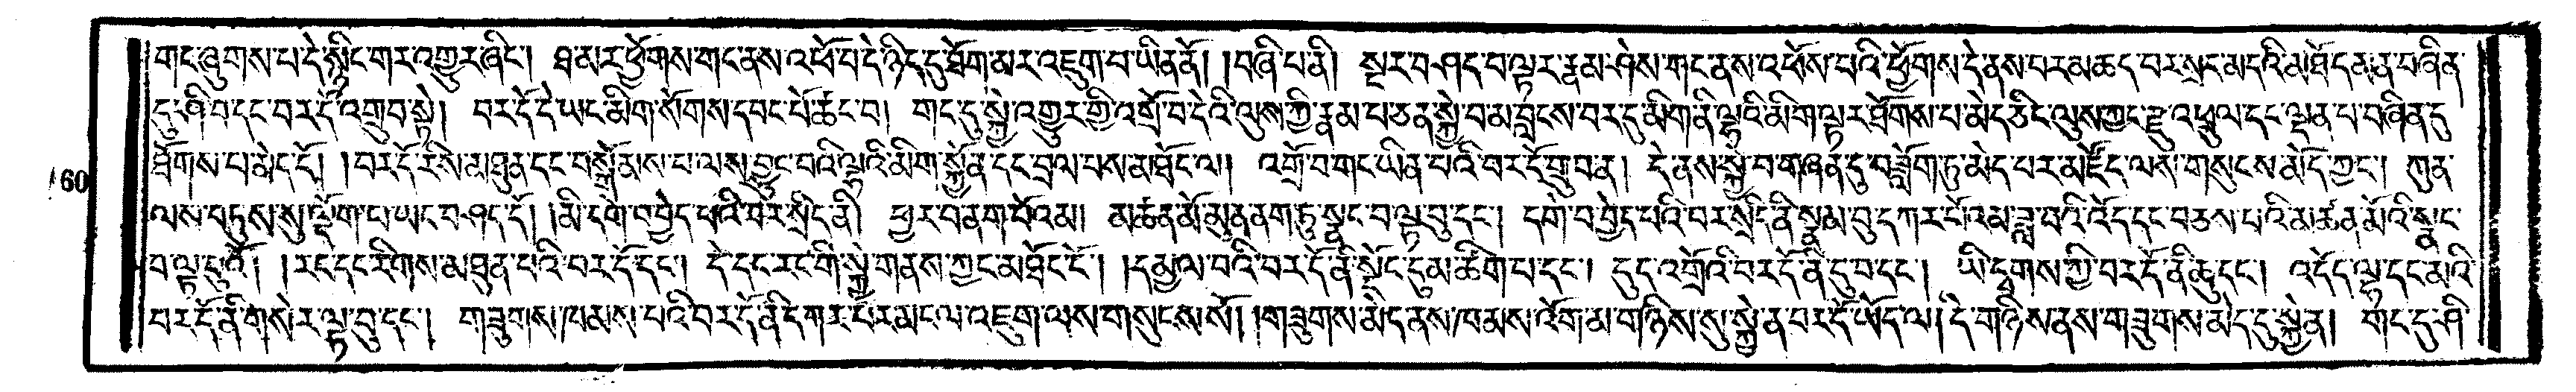གང་ཞུགས་པ་དེ་སྙིང་གར་འགྱུར་ཞིང་། ཐ་མར་ཕྱོགས་གང་ནས་འཕོ་པ་དེ་ཉིད་དུ་ཐོག་མར་འཇུག་པ་ཡིན་ནོ། །བཞི་པ་ནི། སྔར་བཤད་བ་ལྟར་རྣམ་ཤེས་གང་ནས་འཕོས་པའི་ཕྱོགས་དེ་ནས་བར་མཆད་པར་སྲད་མདའི་མཐོ་དམན་བཞིན་
དུ་ཤི་བ་དང་བར་དོ་འགྲུབ་སྟེ། བར་དོ་དེ་ཡང་མིག་སོགས་དབང་པོ་ཚང་བ། གང་དུ་སྐྱེ་འགྱུར་གྱི་འགྲོ་བ་དེའི་ལུས་ཀྱི་རྣམ་པ་ཅན་སྐྱེ་བ་མ་བླངས་བར་དུ་མིག་ནི་ལྷའི་མིག་ལྟར་ཐོགས་པ་མེད་ཅིང་ལུས་ཀྱང་རྫུ་འཕྲུལ་དང་ལྡན་པ་བཞིན་དུ་
ཐོགས་པ་མེད་དོ། །བར་དོ་རིས་མཐུན་དང་བསྒོམས་པ་ལས་བྱུང་བའི་ལྷའི་མིག་སྐྱོན་དང་བྲལ་པས་མཐོང་ལ། འགྲོ་བ་གང་ཡིན་པའི་བར་དོ་གྲུབ་ན། དེ་ནས་སྐྱེ་བ་གཞན་དུ་བཟློག་ཏུ་མེད་པར་མཛོད་ལས་གསུངས་མོད་ཀྱང་། ཀུན་
ལས་བཏུས་སུ་ལྡོག་པ་ཡང་བཤད་དོ། །མི་དགེ་བ་བྱེད་པའི་བར་སྲིད་ནི། ཕྱར་བ་ནག་པོའམ། མཚན་མོ་མུན་ནག་ཏུ་སྣང་བ་ལྟ་བུ་དང་། དགེ་བ་བྱེད་པའི་བར་སྲིད་ནི་སྣམ་བུ་དཀར་པོའམ་ཟླ་བའི་འོད་དང་བཅས་པའི་མཚན་མོའི་སྣང་
བ་ལྟ་པུའོ། །རང་དང་རིགས་མཐུན་པའི་བར་དོ་དང་། དེ་དང་རང་གི་སྐྱེ་གནས་ཀྱང་མཐོང་ངོ། །དམྱལ་བའི་བར་དོ་ནི་སྡོང་དུམ་ཚིག་པ་དང་། དུད་འགྲོའི་བར་དོ་ནི་དུ་བ་དང་། ཡི་དྭགས་ཀྱི་བར་དོ་ནི་ཆུ་དང་། འདོད་ལྷ་དང་མའི་
པར་དོ་ནི་གསེར་ལྟ་བུ་དང་། གཟུགས་ཁམས་པའི་བར་དོ་ནི་དཀར་པར་མངལ་འཇུག་ལས་གསུངས་སོ། །གཟུགས་མེད་ནས་ཁམས་འོག་མ་གཉིས་སུ་སྐྱེ་ན་པར་དོ་ཡོད་ལ། དི་གཉིས་ནས་གཟུགས་མེད་དུ་སྐྱེན། གང་དུ་ཤི་